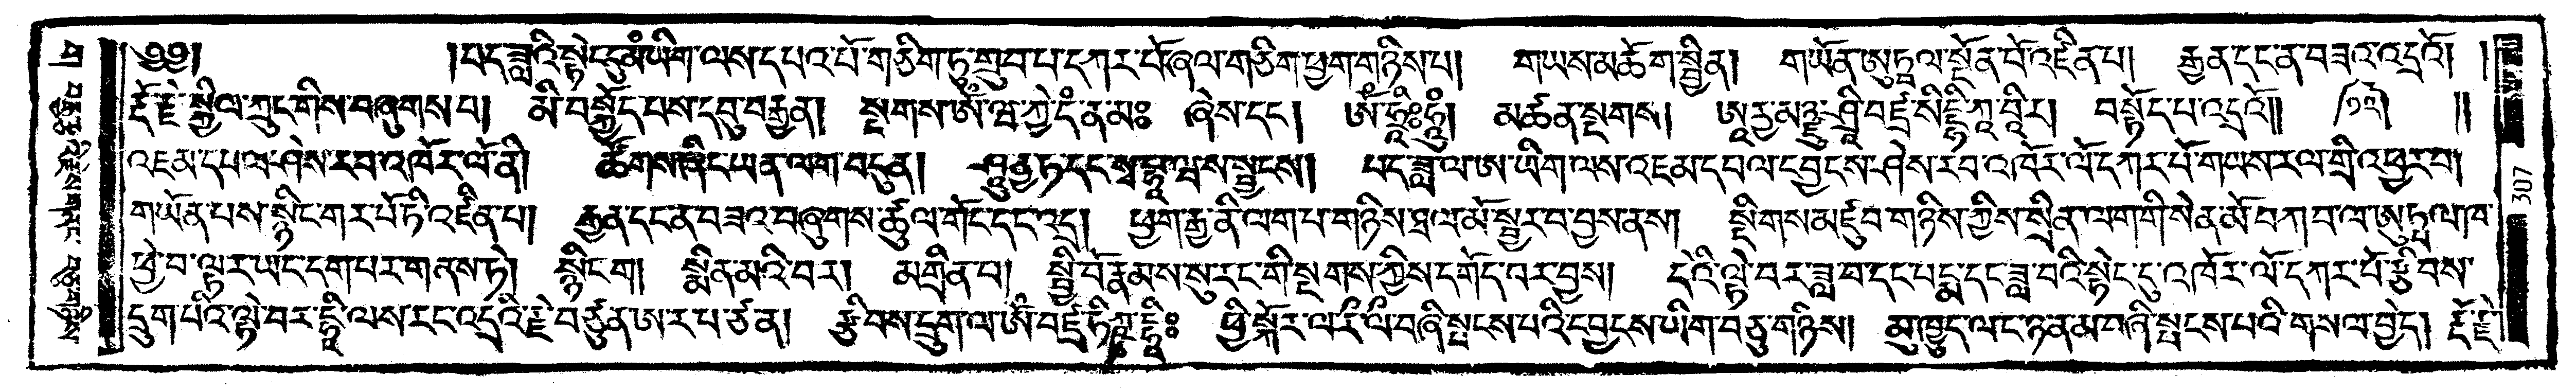༄༅། །པད་ཟླའི་སྟེང་དུ་མཾ་ཡིག་ལས་དཔའ་བོ་གཅིག་ཏུ་གྲུབ་པ་དཀར་པོ་ཞལ་གཅིག་ཕྱག་གཉིས་པ། གཡས་མཆོག་སྦྱིན། གཡོན་ཨུཏྤལ་སྔོན་པོ་འཛིན་པ། རྒྱན་དང་ན་བཟའ་འདྲའོ། །
རྡོ་རྗེ་སྐྱིལ་ཀྲུང་གིས་བཞུགས་བ། མི་བསྐྱོད་པས་དབུ་བརྒྱན། སྔགས་ཨོཾ་ཝ་ཀྱེ་དཾ་ན་མཿ ཞེས་དང་། ཨོཾ་ཧྲཱིཿཧཱུཾ། མཚན་སྔགས། ཨཱརྱ་མཉྫུ་ཤྲཱི་བཛྲ་སིདྡྷི་ཀཱ་བཱི་ར། བསྟོད་པ་འདྲའོ།། ༡༢?་།།
འཇམ་དཔལ་ཤེས་རབ་འཁོར་ལོ་ནི། ཚོགས་ཞིང་ཡན་ལག་བདུན། ཤཱུ་ནྱ་ཏ་དང་སྭ་བྷཱ་ཝས་སྦྱངས། པད་ཟླ་ལ་ཨ་ཡིག་ལས་འཇམ་དཔལ་དབྱངས་ཤེས་རབ་འཁོར་ལོ་དཀར་པོ་གཡས་རལ་གྲི་འཕྱར་བ།
གཡོན་པས་སྙིང་གར་པོ་ཏི་འཛིན་པ། རྒྱན་དང་ན་བཟའ་བཞུགས་ཚུལ་གོང་དང་འདྲ། ཕྱག་རྒྱ་ནི་ལག་པ་གཉིས་ཐལ་མོ་སྦྱར་བ་བྱས་ནས། སྡིགས་མཛུབ་གཉིས་ཀྱིས་སྲིན་ལག་གི་སེན་མོ་བཀབ་ལ་ཨུཏྤལ་ཁ་
ཕྱེ་བ་ལྟར་ཡང་དག་པར་གནས་ཏེ། སྙིང་ག། སྨིན་མའི་བར། མགྲིན་པ། སྤྱི་བོ་རྣམས་སུ་རང་གི་སྔགས་ཀྱིས་དགོད་བར་བྱས། དེའི་ལྟེ་བར་ཟླ་བ་དང་པདམ་དང་ཟླ་བའི་སྟེང་དུ་འཁོར་ལོ་དཀར་པོ་རྩིབས་
དྲུག་པའི་ལྟེ་བར་དྷཱི་ལས་རང་འདྲའི་རྗེ་བཙུན་ཨ་ར་པ་ཙ་ན། རྩིབས་དྲུག་ལ་ཨོཾ་བཛྲ་ཏིཀྵྞ་དྷཱིཿ ཕྱི་སྐོར་ལ་རྀ་ལྀ་བཞི་སྤངས་པའི་དབྱངས་ཡིག་བཅུ་གཉིས། མུ་ཁྱུད་ལང་ཉན་མ་བཞི་སྤངས་པའི་གསལ་བྱེད། རྡོ་རྗེ་